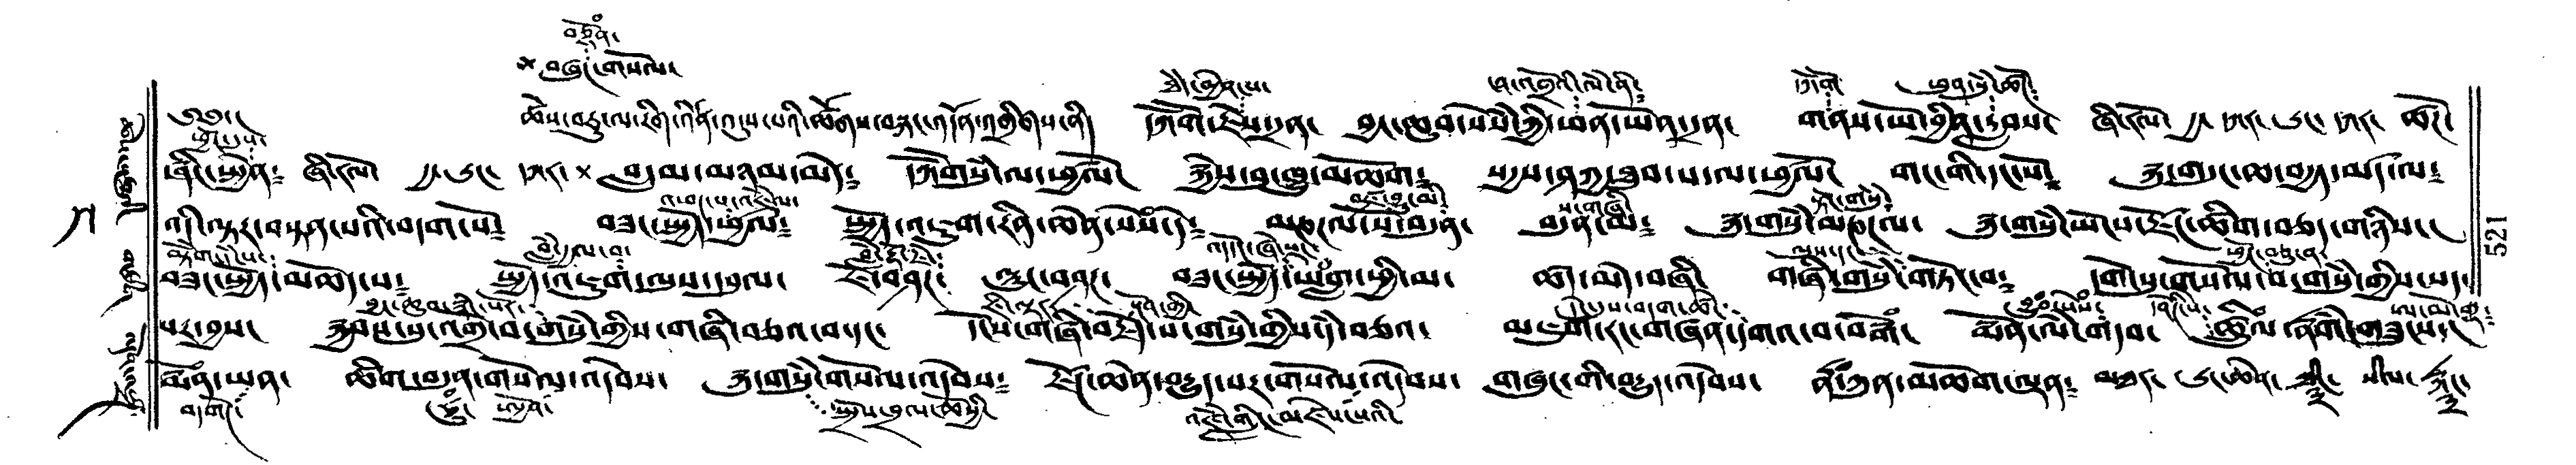༄༅། ཚེས་བཅུ་ལ་རིག་འཛིན་འདུས་པའི་ཚོགས་བསྐང་འདོན་འགྲིགས་ནི། ཐམས་ཅད་མཁྱེན་པ༴ དཀོན་མཆོག་རྗེས་དྲན། ངན་འགྲོའི་ལམ་ནི༴བྱང་ཆུབ་སེམས་ཀྱི་ཕན་ཡོན་དྲན། དཀོན་མཆོག༴ ནས། ཕུན་སུམ་ཚོགས་པའི༴ བར། གནས་ཡོ་བྱིན་རླབས། ཞི་རོལ། རྒྱ། དཀར། དུང་། བཅོམ་ལྡན་འདིར་ནི༴ བཞུགས་གསོལ། ཕྱོགས་དུས་ཀུན་ནས༴ ཚོགས་
ཞིང་སྤྱན་འདྲེན། ཞི་རོལ། རྒྱ། དུང་། དཀར། བླ་མ་མཉམ་མེད༴ དཀོན་མཆོག་གསུམ་ལ་ཕྱག་འཚལ་ལོ། སྐྱེས་བུ་ཁྱུ་མཆོག༴ སངས་རྒྱས་ཤཱཀྱ་ཐུབ་པ་ལ་ཕྱག་འཚལ་ལོ། གང་གི་དང་པོར༴ སྐུ་གདུང་ཆ་བརྒྱད་མཛད་ལ༴ 
འདི་ལྟར་སྟན་པའི་བདག་པོ༴ འཕགས་པ་འཇམ་དཔལ༴ བཟང་སྤྱོད་ཕྱག་འཚལ། སྤྱོད་འཇུག་གི རིན་ཆེན་སེམས་དེ༴ བཛྲ་བྷུ་མི༴ མཎྜལ་སོ་བདུན། ས་བཞི༴ བདུན་མ། སྟོང་གསུམ་འཇིག་རྟེན༴ སྐུ་གསུམ་མཎྜལ། སྐུ་གསུམ་ཡོངས་རྫོགས༴ ཚིག་བཅད་གཉིས། 
བཟང་སྤྱོད་མཆོད་པ། བླ་མ་རྒྱལ་བ༴ སྤྱོད་འཇུག་ལུས་དབུལ། བླ་མ་རྡོ་རྗེ༴ ཇོ་བཤགས་དང་ལྟུང་བཤགས། འདོད་ཆགས་ཞེ་སྡང༴ བཟང་སྤྱོད་ཀྱི་ཡན་ལག་ཕྱི་མ་རྣམས། མ་ནམ་མཁའ༴ ཚད་མེད་བཞི། ལུས་དང་དེ་བཞིན༴ གཞི་གསུམ་གཏོང་བ། ཕྱོགས་བཅུ་ན༴ དགོངས་སུ་གསོལ་བ་གསུམ་གྱིས་སད་པར་པར་བྱས༴ སྐྱབས་སུ་འགྲོ་བ་གསུམ་གྱིས་གཞི་བཅའ། ཇི་ལྟར་སྔོན་གྱི༴ དངོས་གཞི་བརྗོད་པ་གསུམ་གྱིས་དམ་བཅས་པའི་མཇུག དེང་དུས་བདག་ཚེ༴ རང་གཞན་དགའ་བ་བསྒོམ། བྱང་ཆུབ་སེམས་དཔའ་རྣམས་ཀྱིས་ནི། འགྲོ་དོན༴ སོགས་སྨོན་ལམ་གདབ། དེ་བཞིན་གཤེགས་པ༴ ནས། ཨོཾ་ཨ་མོ་གྷ༴ ཚུལ་ཁྲིམས་རྣམ་དག་གཟུངས། བདག་སོགས༴ ནས། རྟག་ཏུ་མ་ཉམས་སྐྱོན་མེད་སྤྱོད་པར་ཤོག ཞེས་སྨོན་ལམ་གདབ། ཧཱུྃ༔ 
ཨོ་རྒྱན༴ ཚིག་བདུན་གསོལ་འདེབས། སྤྲོས་བྲལ་ཆོས་དབྱིངས༴ སྐུ་གསུམ་གསོལ་འདེབས། འཛམ་གླིང་མཛེས་པའི༴ རྫོགས་ཆེན་བརྒྱུད་པའི་གསོལ་འདེབས། གཞུང་གི་བརྒྱུད་འདེབས། རྣམ་ཀུན་མཆོག་ལྡན༴ མཐར། དུང་ཆེན། ཐིང་། སིལ། རྐང་།